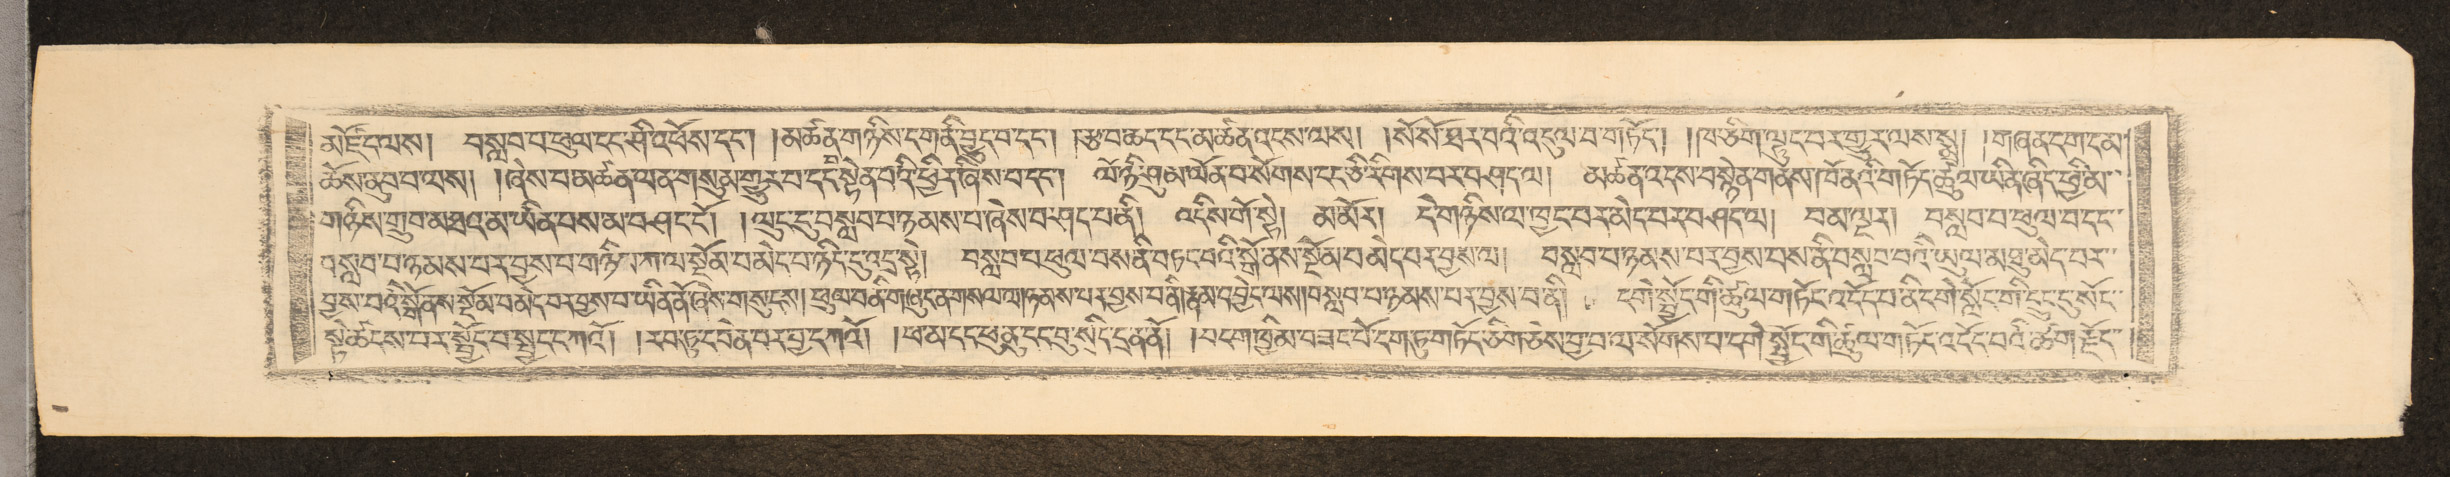མཛོད་ལས། བསླབ་པ་ཕུལ་དང་ཤི་འཕོ་ས་དང་། །མཚན་གཉིས་དག་ནི་བྱུང་བ་དང་། །རྩ་བ་ཆད་དང་མཚན་འདས་ལས། །སོ་སོ་ཐར་བའི་འདུལ་བ་གཏོང་། །ཁ་ཅིག་ལྟུང་པར་གྱུར་ལས་སྨྲ། །གཞན་དག་དམ་
ཆོས་ནུབ་པ་ལས། །ཞེས་པ་མཚན་ལན་གསུམ་གྱུར་པ་དང་སྟེན་པའི་ཕྱིར་ཞེས་པ་དང་། ལོ་ཉི་ཤུ་མ་ལོན་པ་སོགས་དང་ཅི་རིགས་པར་བཤད་ལ། མཚན་འདས་བསྙེན་གནས་ཁོ་ནའི་གཏོང་ཚུལ་ཡིན་ཞིང་ཕྱི་མ་
གཉིས་གྲུབ་མཐའ་མ་ཡིན་པས་མ་བཤད་དོ། །ལུང་དུ་བསླབ་པ་ཉམས་པ་ཞེས་བཤད་པ་ནི། འདིས་གོ་སྟེ། མ་མོར། དེ་གཉིས་ལ་ཁྱད་པར་མེད་པར་བཤད་ལ། བམ་ལྔར། བསླབ་པ་ཕུལ་བ་དང་བསླབ་པ་
ཉམས་པར་བྱས་པ་གཉིས་ཀ་ལ་སྡོམ་པ་མེད་པ་ཉིད་དུ་འདྲ་སྟེ། བསླབ་པ་ཕུལ་བས་ནི་བཏང་བའི་སྒོ་ནས་སྡོམ་པ་མེད་པར་བྱས་ལ། བསླབ་པ་ཉམས་པར་བྱས་པས་ནི་བསླབ་པའི་ཡུལ་མཐུ་མེད་པར་
བྱས་པའི་སྒོ་ནས་སྡོམ་པ་མེད་པར་བྱས་པ་ཡིན་ནོ་ཞེས་གསུངས། ཕུལ་བ་ནི་གཞུང་ན་གསལ་ལ། ཉམས་པར་བྱས་པ་ནི། རྣམ་འབྱེད་ལས། བསླབ་པ་ཉམས་པར་བྱས་པ་ནི། དགེ་སློང་གི་ཚུལ་གཏོང་འདོད་པ་ནི་དགེ་སློང་གི་དྲུང་དུ་སོང་
སྟེ་ཚངས་པར་སྤྱོང་བ་སྦྱད་དཀའོ། །རབ་ཏུ་དབེན་པར་བྱ་དཀའོ། །ཕ་མ་དང་ཕུ་ནུ་དང་བུ་སྲིང་དྲན་ནོ། །བདག་ཁྱིམ་བཟང་པོ་དག་ཏུ་གཏོད་ཅིག་ཅེས་བྱ་བ་ལ་སོགས་པ་དགེ་སྦྱོང་གི་ཚུལ་གཏོང་འདོད་པའི་ཚིག་རྗོད་